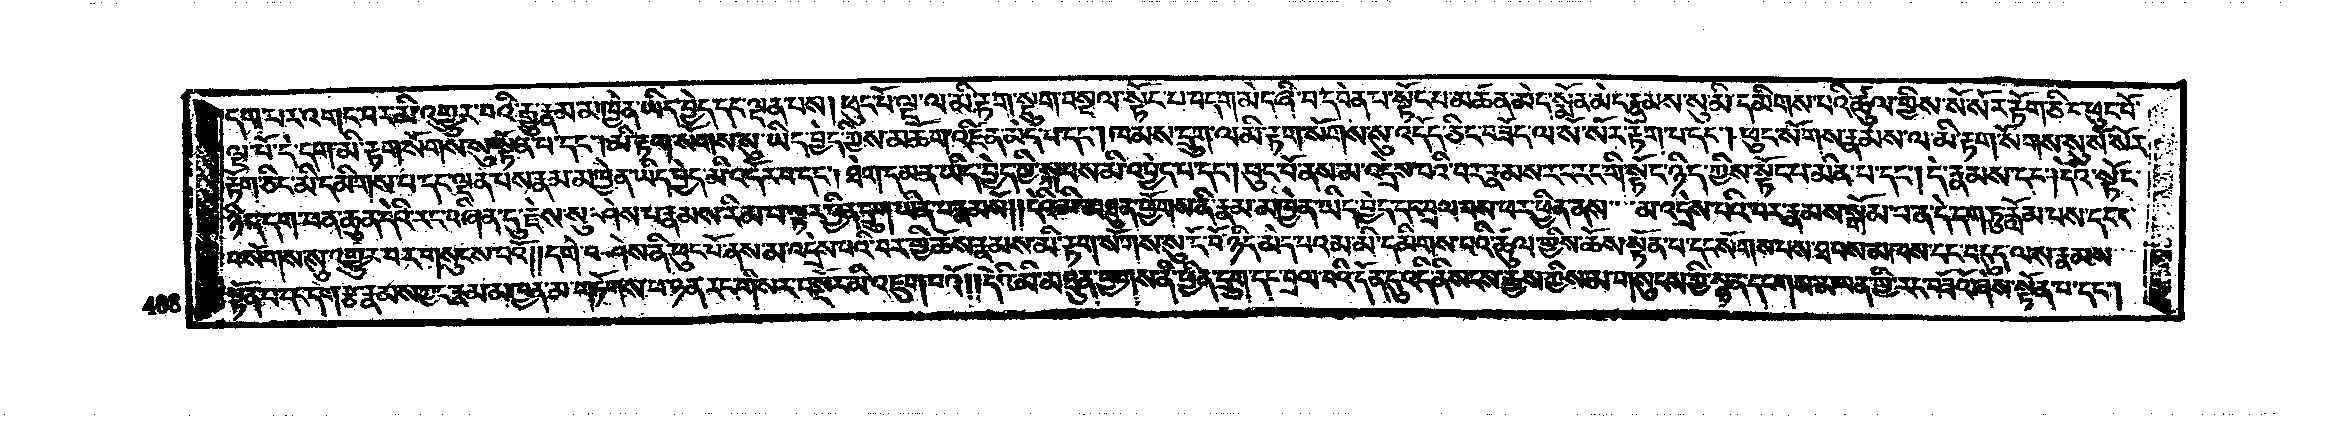དག་པར་འགོང་བར་མི་འགྱུར་བའི་རྒྱུ་རྣམ་མཁྱེན་ཡིད་བྱེད་དང་ལྡན་པས། ཕུང་པོ་ལྔ་ལ་མི་རྟག་སྡུག་བསྔལ་སྟོང་པ་བདག་མེད་ཞི་བ་དབེན་པ་སྟོང་པ་མཚན་མེད་སྨོན་མེད་རྣམས་སུ་མི་དམིགས་པའི་ཚུལ་གྱིས་སོ་སོར་རྟོག་ཅིང་ཕུང་པོ་
ལྔ་པོ་དེ་དག་མི་རྟག་སོགས་སུ་སྟོན་པ་དང་། མི་རྟག་སོགས་སུ་ཡིད་བྱེད་ཀྱིས་མཆོག་འཛིན་མེད་པ་དང་། ཁམས་དྲུག་ལ་མི་རྟག་སོགས་སུ་འདོད་ཅིང་བཟོད་ལ་སོ་སོར་རྟོག་པ་དང་། ཕུང་སོགས་རྣམས་ལ་མི་རྟག་སོགས་སུ་སོ་སོར་
རྟོག་ཅིང་མི་དམིགས་པ་དང་ལྡན་པས་རྣམ་མཁྱེན་ཡིད་བྱེད་མི་འདོར་བ་དང་། ཐེག་དམན་ཡིད་བྱེད་ཀྱི་སྐབས་མི་འབྱེད་པ་དང་། ཕུང་པོ་ནས་མ་འདྲེས་པའི་བར་རྣམས་རང་རང་གི་སྟོང་ཉིད་ཀྱིས་སྟོང་པ་མིན་པ་དང་། དེ་རྣམས་དང་། དེའི་སྟོང་
ཉིད་དག་ཕན་ཚུན་དེའི་རང་བཞིན་དུ་རྗེས་སུ་ཤེས་པ་རྣམས་རིམ་པ་ལྟར་ཕྱིན་དྲུག་ཡིན་པ་རྣམས་སོ། །དེའི་མི་མཐུན་ཕྱོགས་ནི་རྣམ་མཁྱེན་ཡིད་བྱེད་དང་བྲལ་བས་ཕར་ཕྱིན་ནས་མ་འདྲེས་པའི་བར་རྣམས་སྒོམ་པ་ན་དེ་དག་ཏུ་རློམ་པས་དངང་
བ་སོགས་སུ་འགྱུར་བར་གསུངས་པའོ། །དགེ་བཤེས་ནི་ཕུང་པོ་ནས་མ་འདྲེས་པའི་བར་གྱི་ཆོས་རྣམས་མི་རྟག་སོགས་སུ་ངོ་བོ་ཉིད་མེད་པའམ་མི་དམིགས་པའི་ཚུལ་གྱིས་ཆོས་སྟོན་པ་དང་སོགས་པས་ཐབས་མཁས་དང་བདུད་ལས་རྣམས་
སྟོན་པ་དང་དགེ་རྩ་རྣམས་ཀྱང་རྣམ་མཁྱེན་མ་གཏོགས་པ་ཉན་རང་གི་སར་བསྔོར་མི་འཇུག་པའོ། །དེའི་མི་མཐུན་ཕྱོགས་ནི་ཕྱིན་དྲུག་དང་བྲལ་བའི་དོན་དུ་འདི་ནི་སངས་རྒྱས་ཀྱིས་མ་གསུངས་ཀྱི་སྙན་དངགས་མཁན་གྱི་རང་བཟོའོ་ཞེས་སྟོན་པ་དང་།